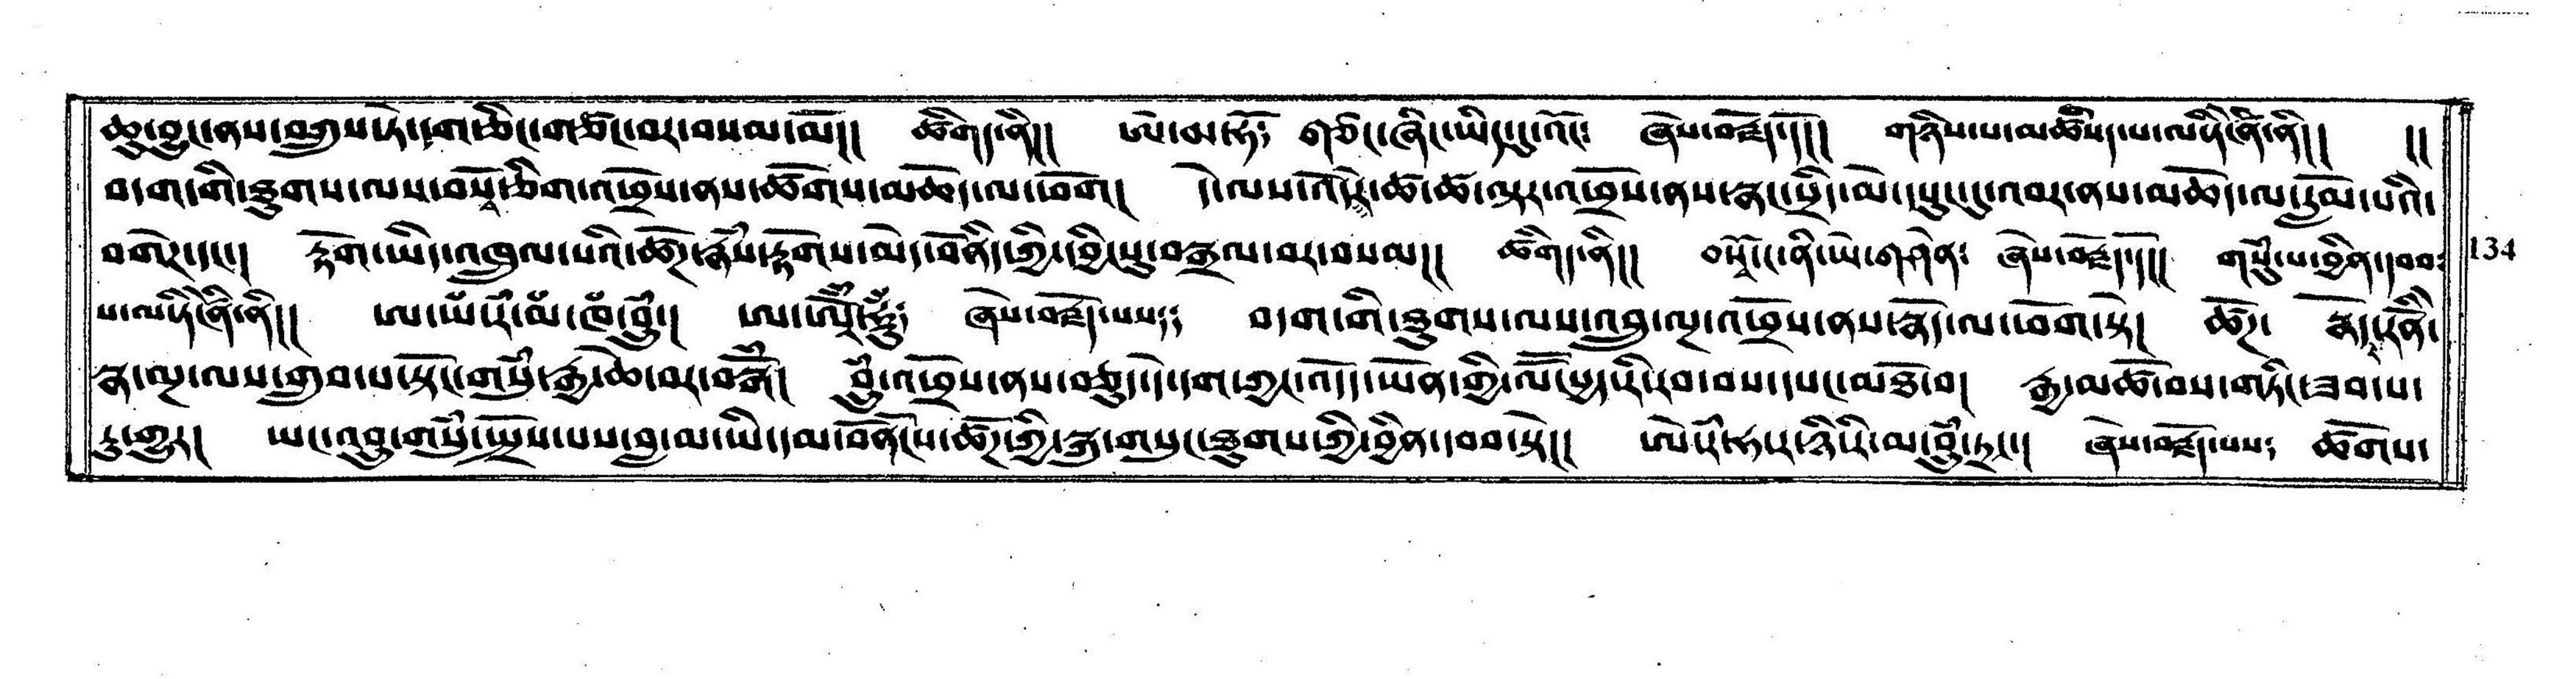ཆུ་བྱུང་ནས་བཀྲུས་ཏེ་དག་ཅིང་གཙང་བར་བསམ་མོ།། ཚིག་བཤད་ནི།། ཨེ་མ་ཧོ གཙང་ཞིང་ཡིད་དུ་འོང༴ ཞེས་བརྗོད་དོ། གཉིས་པ་མཚམས་བཅད་པ་ལ་ཏིང་ངེ་འཛིན་ནི།། །།
བདག་གི་ཐུགས་ལས་བསྭོ་ཅིག་འཕྲོས་ནས་ཚོགས་མཆོད་ལ་ཕོག དེ་ལས་འོད་ཟེར་ཚ་ཚ་ལྟར་འཕྲོས་ནས་སྣང་སྲིད་མེ་དཔུང་དུ་འབར་ནས་མཆོད་ལ་རློམ་པའི་
བགེགས་དང་། རྟོག་ཡིད་འཁྲུལ་པའི་ཚོགས་རྣམས་རྟོགས་མེད་བོན་ཉིད་ཀྱི་དབྱིངས་སུ་བསྒྲལ་བར་བསམ།། ཚིག་བཤད་ནི། བསྭོ་ང་ནི་ཡེ་གཤེན༴ ཞེས་བརྗོད་དོ།། གསུམ་པ་བྱིན་དབབ་
པ་ལ་ཏིང་ངེ་འཛིན་ནི།། ཨ་ཡཾ་རཾ་མཾ་ཁཾ་བྲུཾ། ཨ་ཨཱོཾ་ཧཱུྃ ཞེས་བརྗོད་པས བདག་གི་ཐུགས་ལས་འབྲུ་ལྔ་འཕྲོས་ནས་སྣོད་ལ་ཕོག་སྟེ། ཚོགས་སྣོད་དེ་རིན་པོ་ཆེ་
སྣ་ལྔ་ལས་གྲུབ་པ་སྟོང་གསུམ་རྒྱ་ཆེ་བར་བསྒོམ། བྲུཾ་འཕྲོས་ནས་བཅུད་དེ་དག་ཀྱང་འདོད་ཡོན་གྱི་ལོངས་སྤྱོད་རི་རབ་བས་དཔང་མཐོ་བ། རྒྱ་མཚོ་བས་གཏིང་ཟབ་པ་
ཏུ་གྱུར། ཡང་འབྲུ་གསུམ་སྤྲོས་པས་བླ་མ་ཡི་དམ་བོན་སྐྱོང་ཚོགས་ཀྱི་སྐུ་གསུང་ཐུགས་ཀྱི་བྱིན་དབབ་སྟེ།། ཨེ་རཾ་ཧ་ར་ཉི་རི་མ་བྲུཾ་ཏྲང་། ཞེས་བརྗོད་པས ཚོགས་